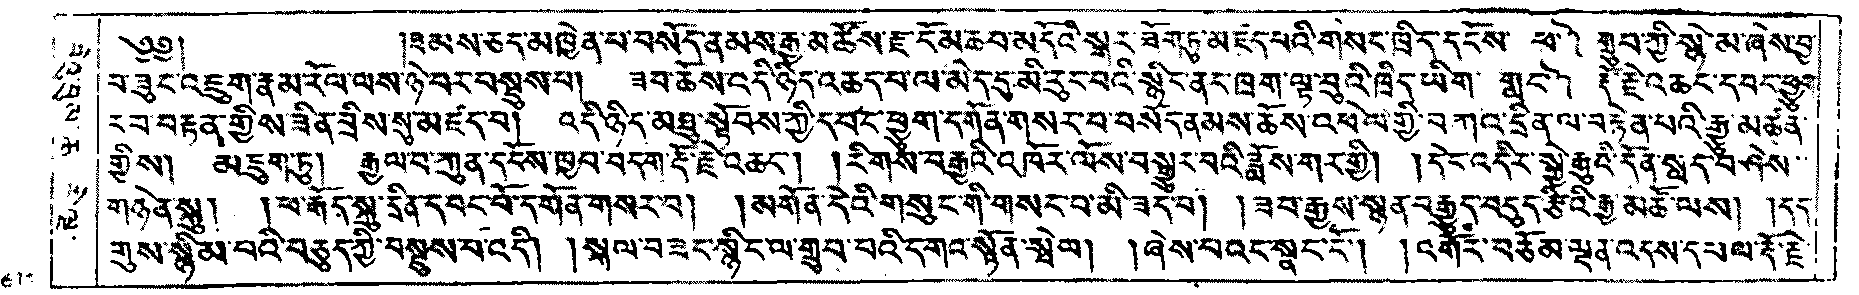༄༅། །ཐམས་ཅད་མཁྱེན་པ་བསོད་ནམས་རྒྱ་མཚོས་རྫ་ངོམ་ཆབ་མདོའི་སྒར་ཐོག་ཏུ་མཛད་པའི་གསང་ཁྲིད་དངོས་ཕ྄་གྲུབ་ཀྱི་སྙེ་མ་ཞེས་བྱ་
བ་ཟུང་འཇུག་རྣམ་རོལ་ལས་ཉེ་བར་བསྡུས་པ། ཟབ་ཆོས་འདི་ཉིད་འཆད་པ་ལ་མེད་དུ་མི་རུང་བའི་སྙིང་ནང་ཁྲག་ལྟ་བུའི་ཁྲིད་ཡིག་གླང྄་རྡོ་རྗེ་འཆང་དབང་ཕྱུག་
རབ་བརྟན་གྱིས་ཟིན་བྲིས་སུ་མཛད་པ། འདི་ཉིད་མཐུ་སྟོབས་ཀྱི་དབང་ཕྱུག་དགོན་གསར་བ་བསོད་ནམས་ཆོས་འཕེལ་གྱི་བཀའ་དྲིན་ལ་བརྟེན་པའི་རྒྱུ་མཚན་
གྱིས། མཇུག་ཏུ། རྒྱལ་བ་ཀུན་དངོས་ཁྱབ་བདག་རྡོ་རྗེ་འཆང་། །རིགས་བརྒྱའི་འཁོར་ལོས་བསྒྱུར་བའི་ཟློས་གར་གྱི། །དེང་འདིར་སྐྱེ་རྒུའི་དོན་སླད་བཤེས་
གཉེན་སྐུ། །ཕ་རྒོད་སྐུ་དྲིན་དབང་པོ་དགོན་གསར་བ། །མགོན་དེའི་གསུང་གི་གསང་བ་མི་ཟད་པ། །ཟབ་རྒྱས་སྙན་བརྒྱུད་བདུད་རྩིའི་རྒྱ་མཚོ་ལས། །དད་
གུས་སྙིམ་པའི་བཅུད་ཀྱི་བསྡུས་པ་འདི། །སྐལ་བཟང་སྙིང་ལ་གྲུབ་པའི་དགའ་སྟོན་སྤེལ། །ཞེས་པའང་སྣང་ངོ། །འགོར་བཅོམ་ལྡན་འདས་དཔལ་རྡོ་རྗེ་